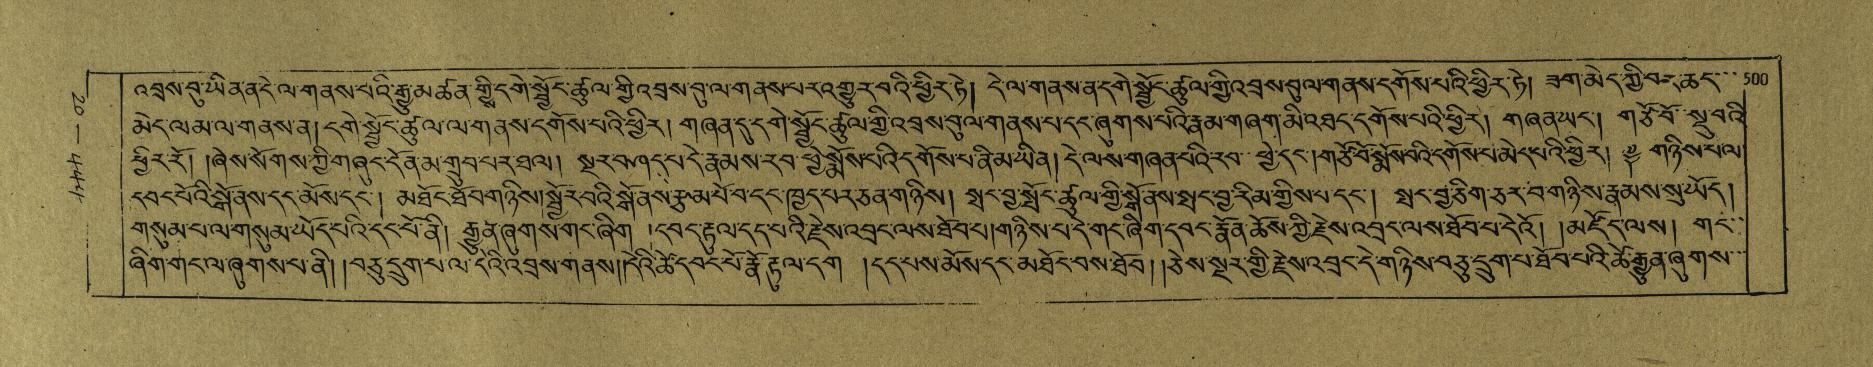འབྲས་བུ་ཡིན་ན་དེ་ལ་གནས་པའི་རྒྱུ་མཚན་གྱིས་དགེ་སྦྱོང་ཚུལ་གྱི་འབྲས་བུ་ལ་གནས་པར་འགྱུར་བའི་ཕྱིར་ཏེ། དེ་ལ་གནས་ན་དགེ་སྦྱོང་ཚུལ་གྱི་འབྲས་བུ་ལ་གནས་དགོས་པའི་ཕྱིར་ཏེ། ཟག་མེད་ཀྱི་བར་ཆད་
མེད་ལམ་ལ་གནས་ན། དགེ་སྦྱོང་ཚུལ་ལ་གནས་དགོས་པའི་ཕྱིར། གཞན་དུ་དགེ་སྦྱོང་ཚུལ་གྱི་འབྲས་བུ་ལ་གནས་པ་དང་ཞུགས་པའི་རྣམ་གཞག་མི་འཐད་དགོས་པའི་ཕྱིར། གཞན་ཡང་། གཙོ་བོ་སྡུ་བའི་
ཕྱིར་རོ། །ཞེས་སོགས་ཀྱི་གཞུང་དོན་མ་གྲུབ་པར་ཐལ། སྔར་བཤད་པ་དེ་རྣམས་རབ་ཕྱེ་སྨོས་པའི་དགོས་པ་ནི་མ་ཡིན། དེ་ལས་གཞན་པའི་རབ་ཕྱེ་དང་། གཙོ་བོ་སྨོས་པའི་དགོས་པ་མེད་པའི་ཕྱིར། ༈ གཉིས་པ་ལ་
དབང་པོའི་སྒོ་ནས་དད་མོས་དང་། མཐོང་ཐོབ་གཉིས་།སྦྱོར་བའི་སྒོ་ནས་རྩམ་པོ་བ་དང་ཁྱད་པར་ཅན་གཉིས། སྤང་བྱ་སྤོང་ཚུལ་གྱི་སྒོ་ནས་སྤང་བྱ་རིམ་གྱིས་པ་དང་། སྤང་བྱ་ཅིག་ཅར་བ་གཉིས་རྣམས་སུ་ཡོད།
གསུམ་པ་ལ་གསུམ་ཡོད་པའི་དང་པོ་ནི། རྒྱུན་ཞུགས་གང་ཞིག །དབང་རྟུལ་དད་པའི་རྗེས་འབྲང་ལས་ཐོབ་པ། གཉིས་པ་དེ་གང་ཞིག་དབང་རྣོན་ཆོས་ཀྱི་རྗེས་འབྲང་ལས་ཐོབ་པ་དེའོ། །མཛོད་ལས། གང་
ཞིག་གང་ལ་ཞུགས་པ་ནི། །བཅུ་དྲུག་པ་ལ་དེའི་འབྲས་གནས། །དེའི་ཚེ་དབང་པོ་རྣོ་རྟུལ་དག །དད་པས་མོས་དང་མཐོང་བས་ཐོབ། །ཅེས་སྔར་གྱི་རྗེས་འབྲང་དེ་གཉིས་བཅུ་དྲུག་པ་ཐོབ་པའི་ཚེ་རྒྱུན་ཞུགས་